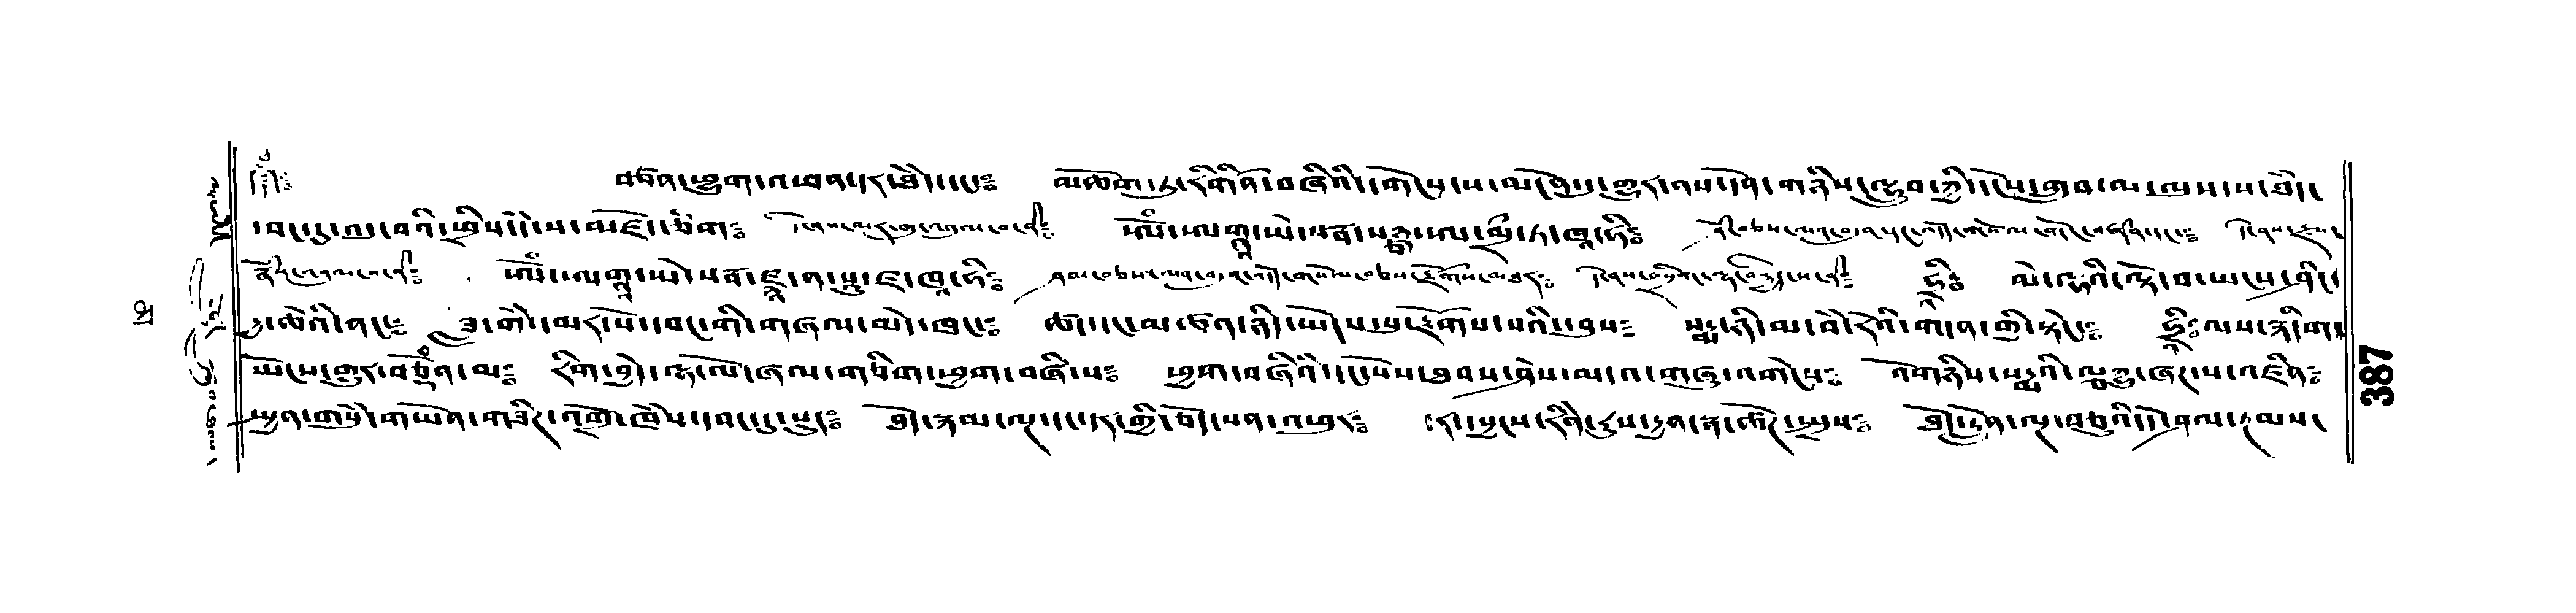བཙན་ཕྱུག་འཕན་དར་ཐམས་ཅད་དང༔ མཆོག་ཏུ་རིག་འཛིན་བཞིའི་དགོངས་པ་མངོན་དུ་གྱུར་ནས་དོན་གཉིས་ལྷུན་གྲུབ་ཀྱི་དངོས་གྲུབ་མ་ལུས་པ་ཐམས་ཅད་
དབང་དུ་འདུ་བའི་ཕྲིན་ལས་དམ་པ་མཛོད་ཅིག༔ དེ་ནས་མར་ཁུ་འབུལ་བ་ནི༔ ཨོཾ་ཨགྣཱ་ཡེ་སརྦ་པཉྩ་ཨ་མྲྀ་ཏ་ཁཱ་ཧིཿ ཤམ་བཅས་ལན་བདུན་དང་འདོད་གསོལ་གོང་བཞིན་དང༔ དེ་ནས་རྫས་
རྣམས་འབུལ་བ་ནི༔ ཨོཾ་ཨགྣཱ་ཡེ་སརྦ་ཛྙཱ་ན་པཱུ་ཛ་ཁཱ་ཧིཿ ཤམ་བཅས་ལན་བདུན་འདོད་གསོལ་བཅས་རྫོགས་མཐར༔ དེ་ནས་བསྲེག་ལྷ་བསྐྱེད་པ་ནི༔ ཧྲཱིཿ མེ་ལྷའི་ལྟོ་བ་ཡངས་ཤིང་
རྒྱ་ཆེའི་ནང༔ ཟླ་གམ་དམར་པོ་དབང་གི་གཞལ་མེད་ཁང༔ ཚད་དང་མཚན་ཉིད་ཡོངས་སུ་རྫོགས་པའི་དབུས༔ པདྨ་ཉི་མ་བམ་རོའི་གདན་གྱི་སྟེང༔ ཧྲཱིཿལས་སྐད་ཅིག་
ཡོངས་གྱུར་བཅོམ་ལྡན་མ༔ རིག་བྱེད་ལྷ་མོ་ཞལ་གཅིག་ཕྱག་བཞི་པ༔ ཕྱག་བཞིའི་དང་པོས་ཐབས་ཤེས་མདའ་གཞུ་འགེངས༔ འོག་གཉིས་པདྨའི་ལྕགས་ཀྱུ་ཞགས་པ་འཛིན༔ 
སྤྱན་གསུམ་གཡོན་གཟིགས་འགྲོ་ཁམས་དབང་དུ་སྡུད༔ ཐོད་སྐམ་ལྔ་དང་དར་གྱི་ཅོད་པན་འཕུར༔ དར་དཔྱངས་རིན་ཆེན་རུས་རྒྱན་སྣ་ཚོགས་སྤྲས༔ ཐོད་རློན་ལྔ་བཅུའི་དོ་ཤལ་རྔམས་